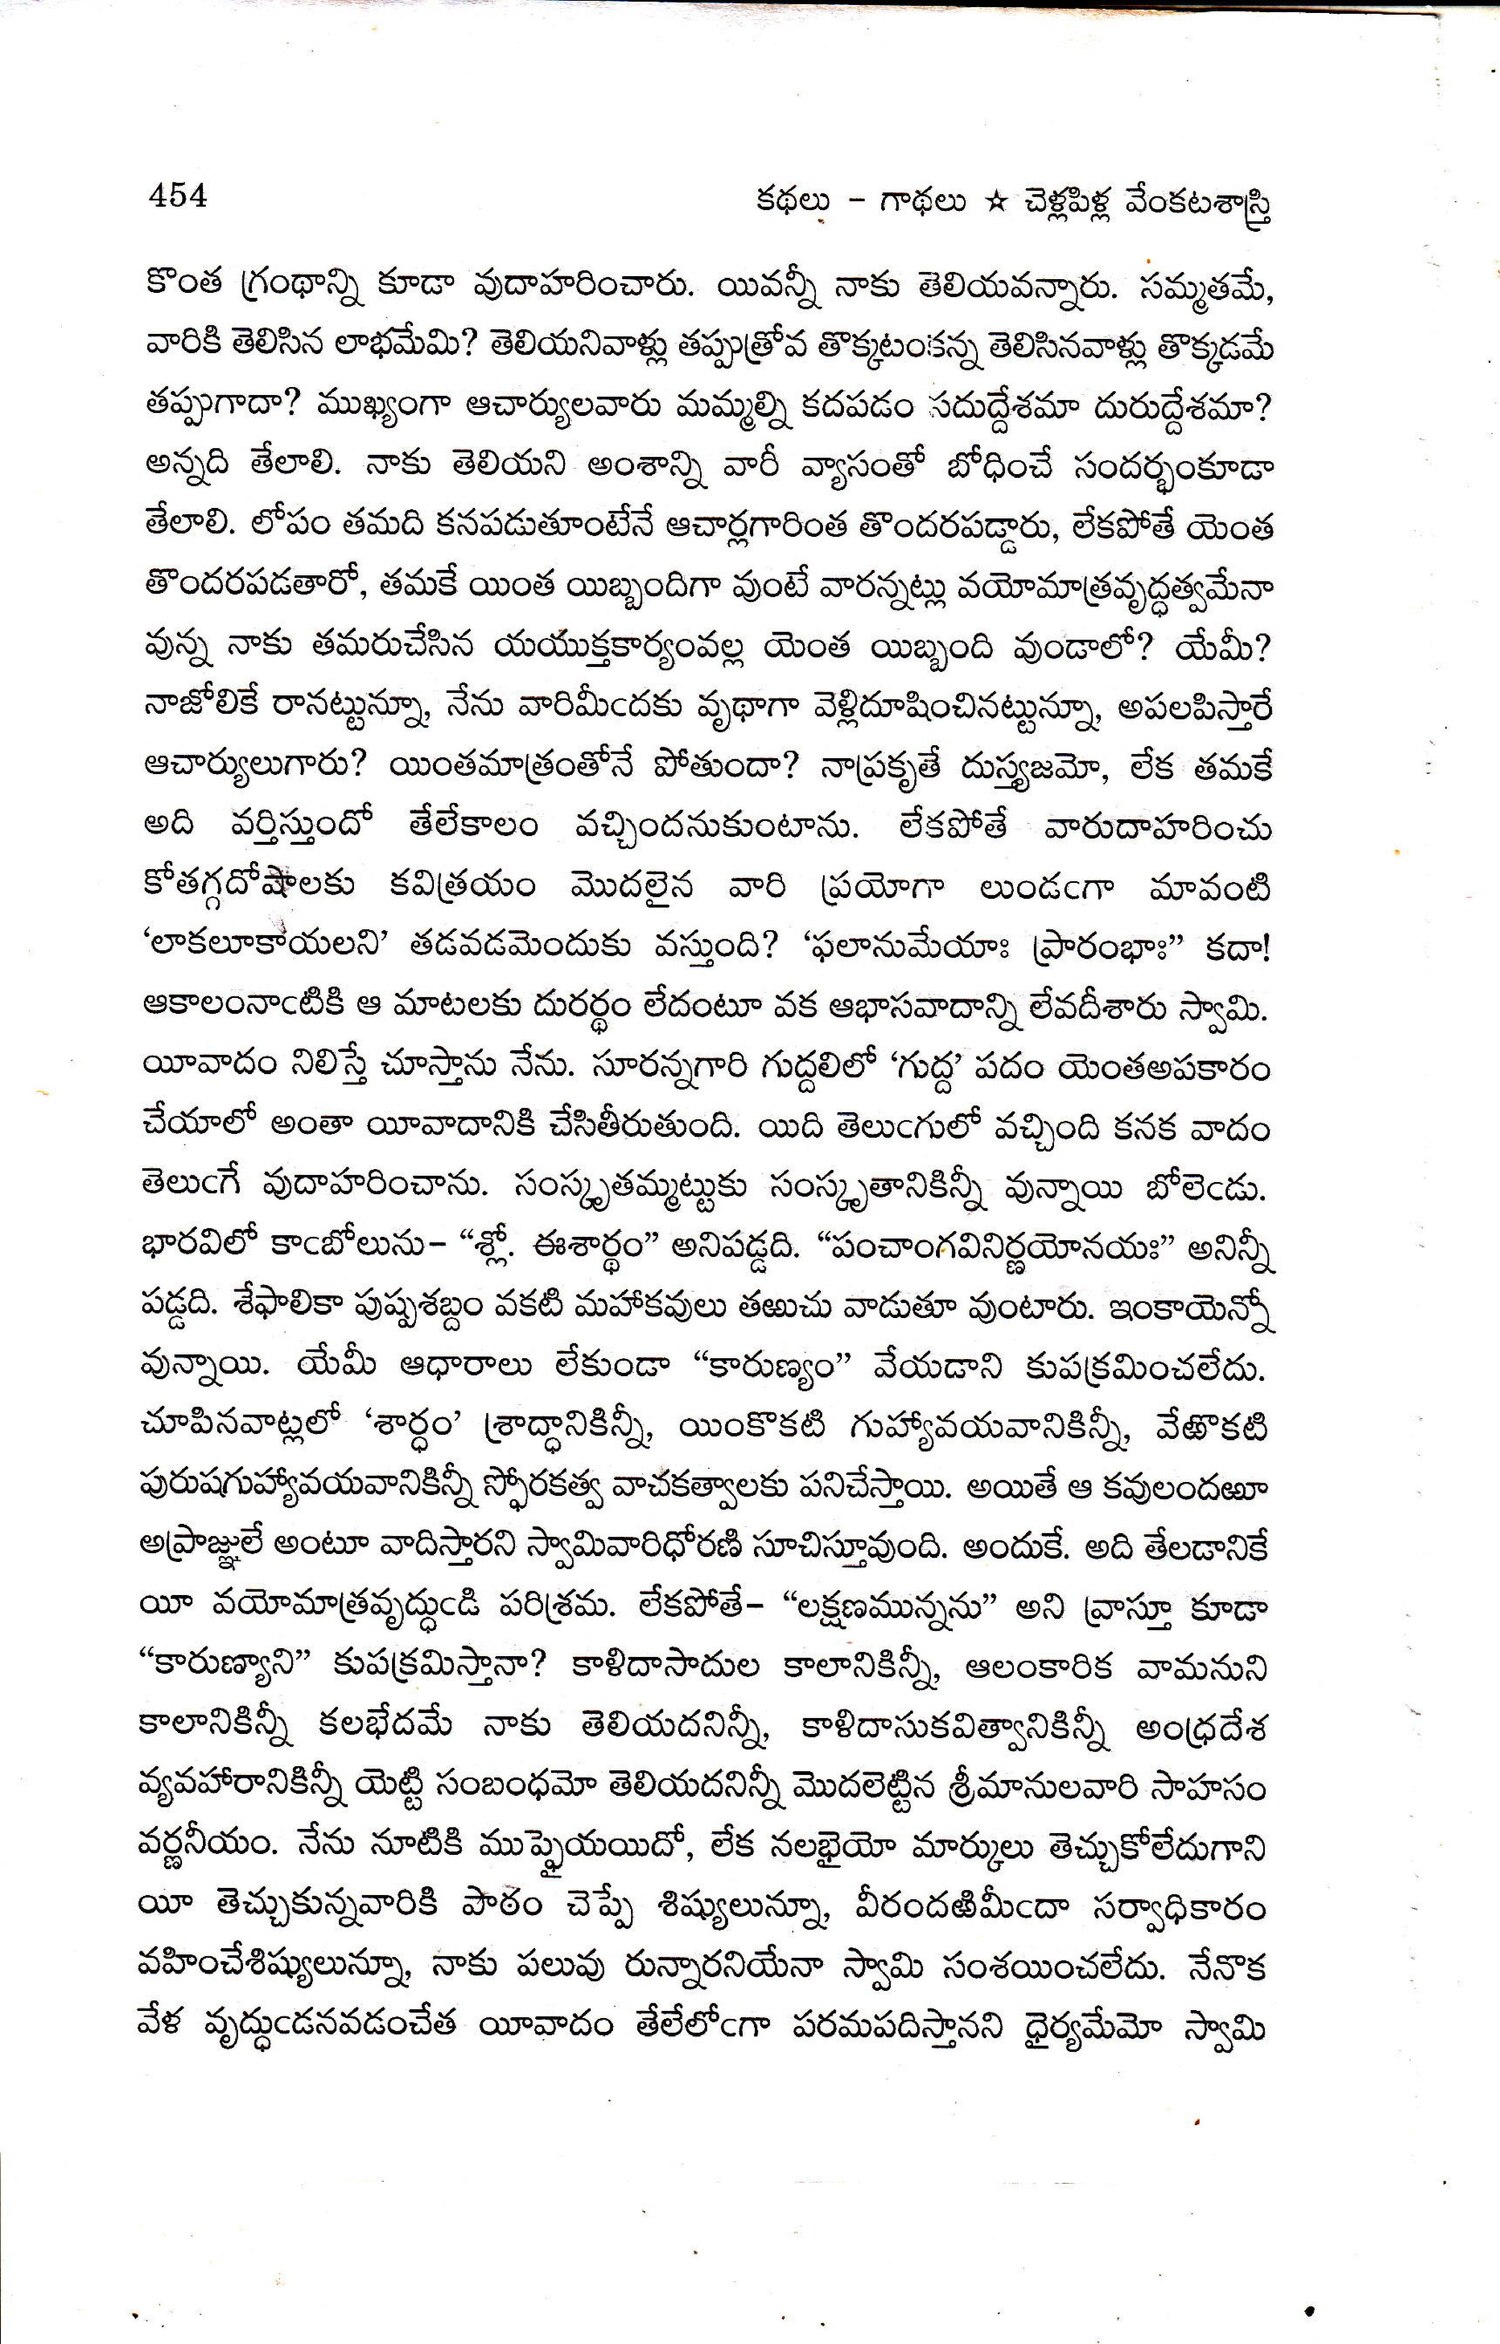కొంత గ్రంథాన్ని కూడా వుదాహరించారు. యివన్నీ నాకు తెలియవన్నారు. సమ్మతమే, వారికి తెలిసిన లాభమేమి? తెలియనివాళ్లు తప్పుత్రోవ తొక్కటంకన్న తెలిసినవాళ్లు తొక్కడమే తప్పుగాదా? ముఖ్యంగా ఆచార్యులవారు మమ్మల్ని కదపడం సదుద్దేశమా దురుద్దేశమా? అన్నది తేలాలి. నాకు తెలియని అంశాన్ని వారీ వ్యాసంతో బోధించే సందర్భంకూడా తేలాలి. లోపం తమది కనపడుతూంటేనే ఆచార్లగారింత తొందరపడ్డారు, లేకపోతే యెంత తొందరపడతారో, తమకే యింత యిబ్బందిగా వుంటే వారన్నట్లు వయోమాత్రవృద్ధత్వమేనా వున్న నాకు తమరుచేసిన యయుక్తకార్యంవల్ల యెంత యిబ్బంది వుండాలో? యేమీ? నాజోలికే రానట్టున్నూ నేను వారిమీఁదకు వృథాగా వెళ్లిదూషించినట్టున్నూ, అపలపిస్తారే ఆచార్యులుగారు? యింతమాత్రంతోనే పోతుందా? నాప్రకృతే దుస్త్యజమో, లేక తమకే అది వర్తిస్తుందో తేలేకాలం వచ్చిందనుకుంటాను. లేకపోతే వారుదాహరించు కోతగ్గదోషాలకు కవిత్రయం మొదలైన వారి ప్రయోగా లుండఁగా మావంటి 'లాకలూకాయలని' తడవడమెందుకు వస్తుంది? 'ఫలానుమేయాః ప్రారంభాః’ కదా! ఆకాలంనాఁటికి ఆ మాటలకు దురర్థం లేదంటూ వక ఆభాసవాదాన్ని లేవదీశారు స్వామి. యీవాదం నిలిస్తే చూస్తాను నేను. సూరన్నగారి గుద్దలిలో 'గుద్ద' పదం యెంతఅపకారం చేయాలో అంతా యీవాదానికి చేసితీరుతుంది. యిది తెలుఁగులో వచ్చింది కనక వాదం తెలుఁగే వుదాహరించాను. సంస్కృతమ్మట్టుకు సంస్కృతానికిన్నీ వున్నాయి బోలెఁడు. భారవిలో కాఁబోలును- “శ్లో ఈశార్థం" అనిపడ్డది. "పంచాంగవినిర్ణయోనయః" అనిన్నీ పడ్డది. శేఫాలికా పుష్పశబ్దం వకటి మహాకవులు తఱుచు వాడుతూ వుంటారు. ఇంకాయెన్నో వున్నాయి. యేమీ ఆధారాలు లేకుండా “కారుణ్యం" వేయడాని కుపక్రమించలేదు. చూపినవాట్లలో శార్ధం శ్రాద్ధానికిన్నీ యింకొకటి గుహ్యావయవానికిన్నీ వేఱొకటి పురుషగుహ్యావయవానికిన్నీ స్ఫోరకత్వ వాచకత్వాలకు పనిచేస్తాయి. అయితే ఆ కవులందఱూ అప్రాజ్ఞులే అంటూ వాదిస్తారని స్వామివారిథోరణి సూచిస్తూవుంది. అందుకే. అది తేలడానికే యీ వయోమాత్రవృద్దుఁడి పరిశ్రమ. లేకపోతే- "లక్షణమున్నను" అని వ్రాస్తూ కూడా “కారుణ్యాని” కుపక్రమిస్తానా? కాళిదాసాదుల కాలానికిన్నీ ఆలంకారిక వామనుని కాలానికిన్నీ కలభేదమే నాకు తెలియదనిన్నీ కాళిదాసుకవిత్వానికిన్నీ అంధ్రదేశ వ్యవహారానికిన్నీ యెట్టి సంబంధమో తెలియదనిన్నీ మొదలెట్టిన శ్రీమానులవారి సాహసం వర్ణనీయం. నేను నూటికి ముప్బెయయిదో, లేక నలభైయో మార్కులు తెచ్చుకోలేదుగాని యీ తెచ్చుకున్నవారికి పాఠం చెప్పే శిష్యులున్నూ, వీరందఱిమీఁదా సర్వాధికారం వహించేశిష్యులున్నూ, నాకు పలువు రున్నారనియేనా స్వామి సంశయించలేదు. నేనొక వేళ వృద్దుఁడనవడంచేత యీవాదం తేలేలోఁగా పరమపదిస్తానని ధైర్యమేమో స్వామి